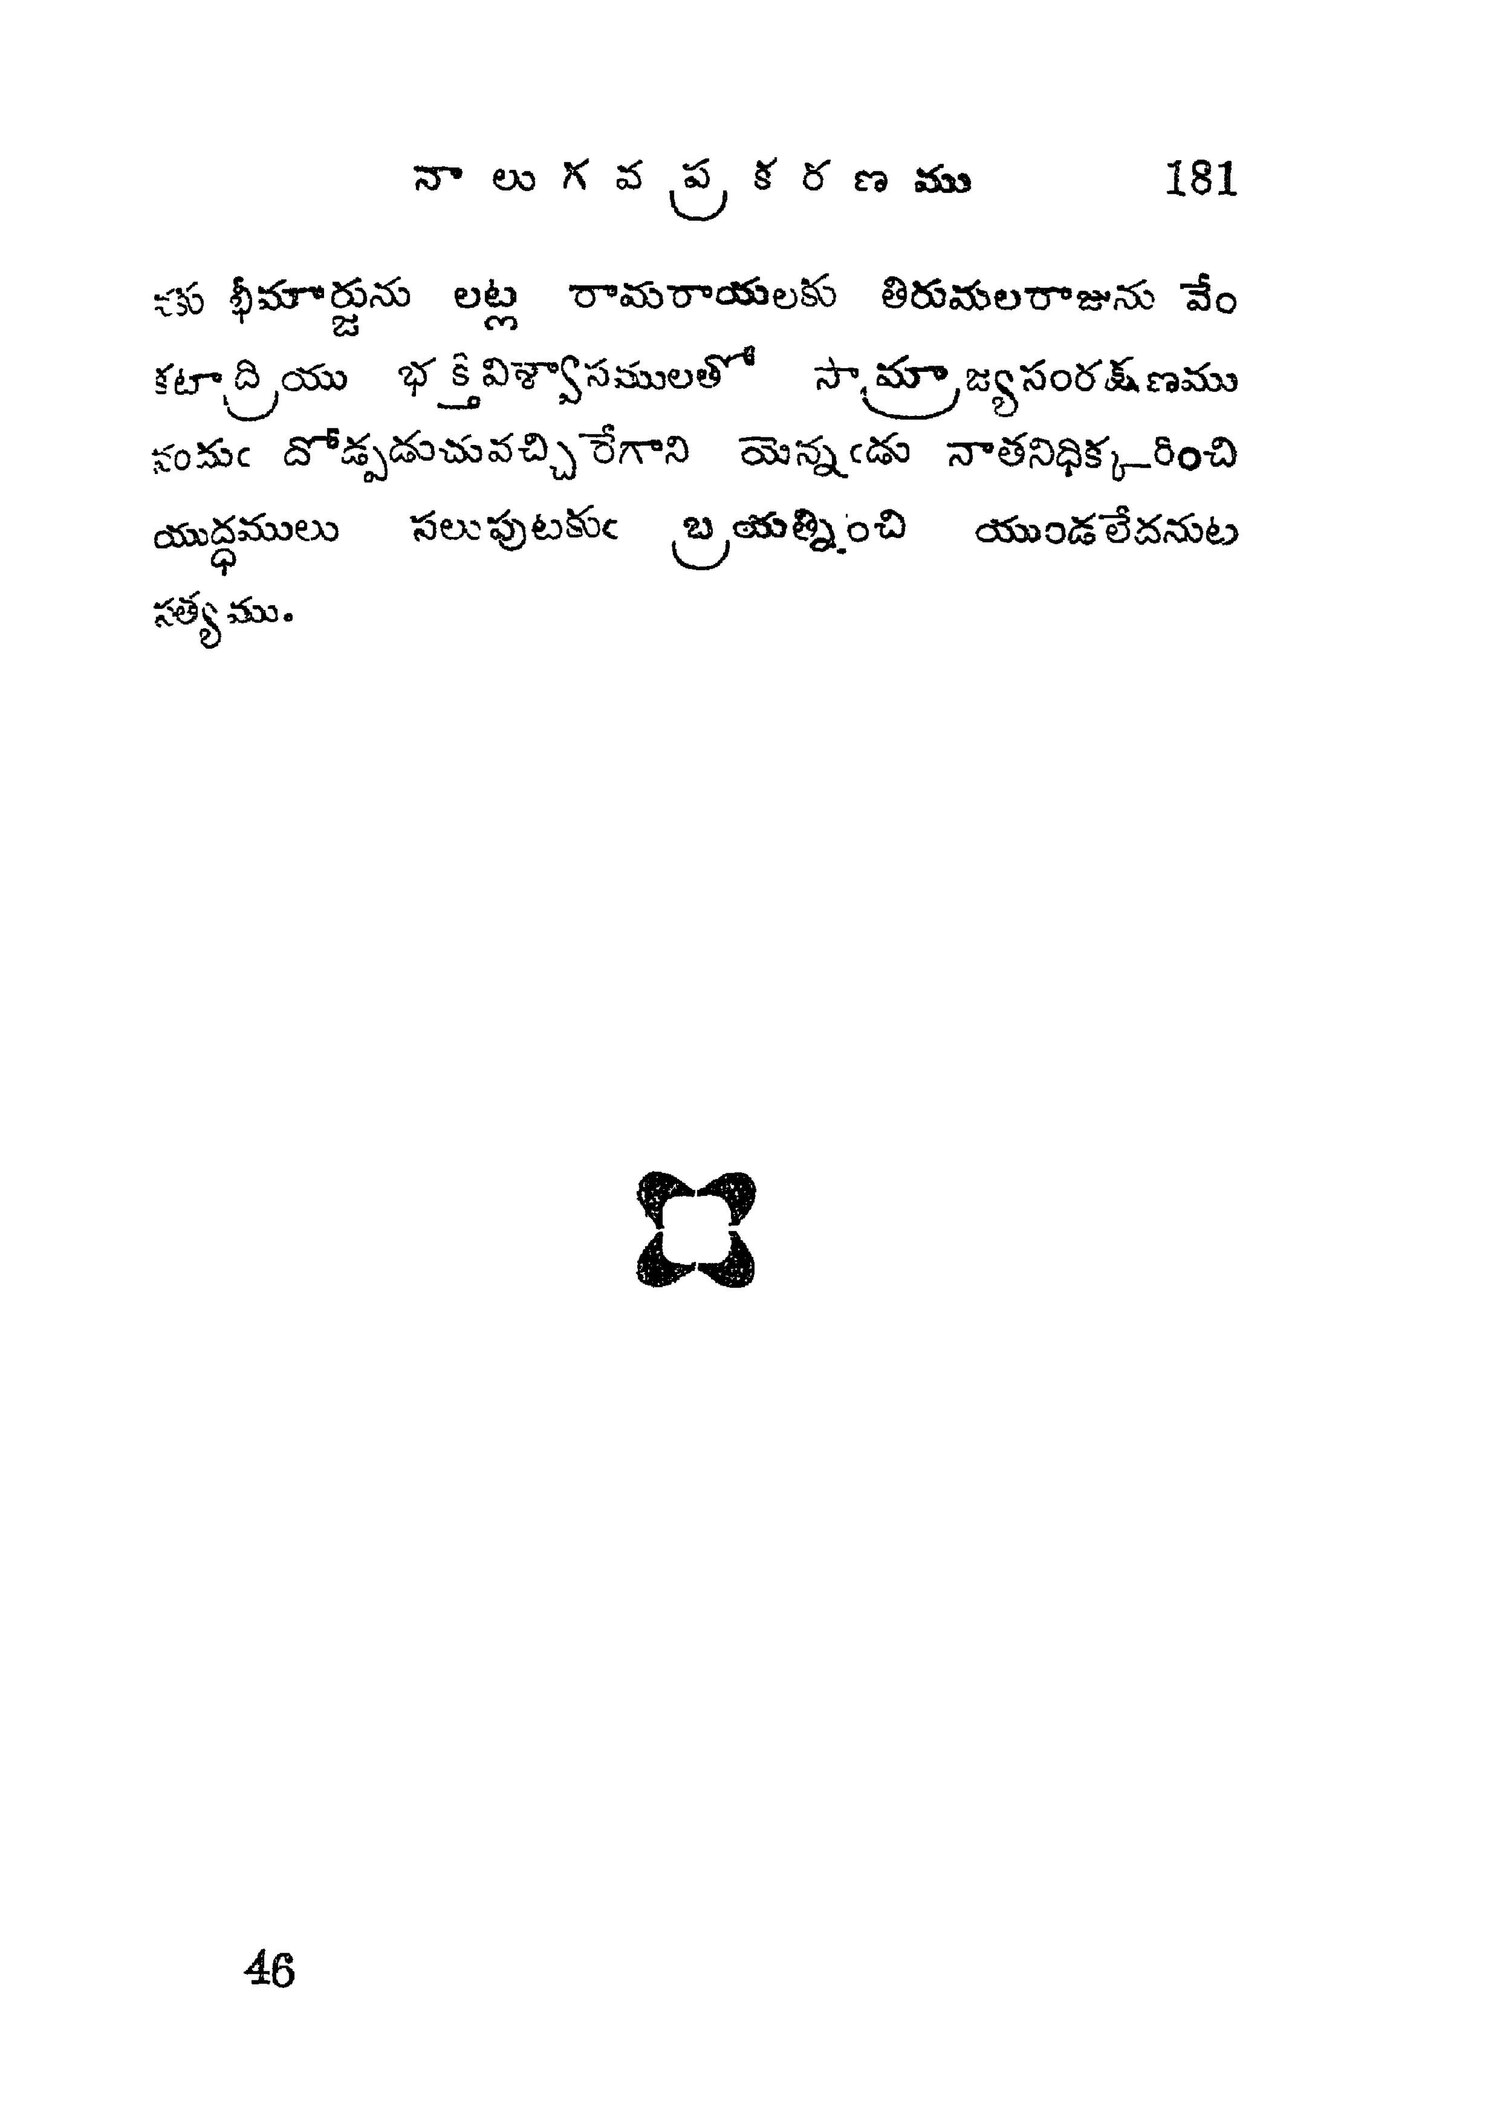నకు భీమార్జును లట్ల రామరాయలకు తిరుమలరాజును వేంకటాద్రియు భక్తివిశ్వాసములతో సామ్రాజ్య సంరక్షణమునందు దోడ్పడుచువచ్చిరేగాని యెన్నడు నాతనిధిక్కరించి యుద్ధములు సలుపుటకు బ్రయత్నించి యుండలేదనుట సత్యము.